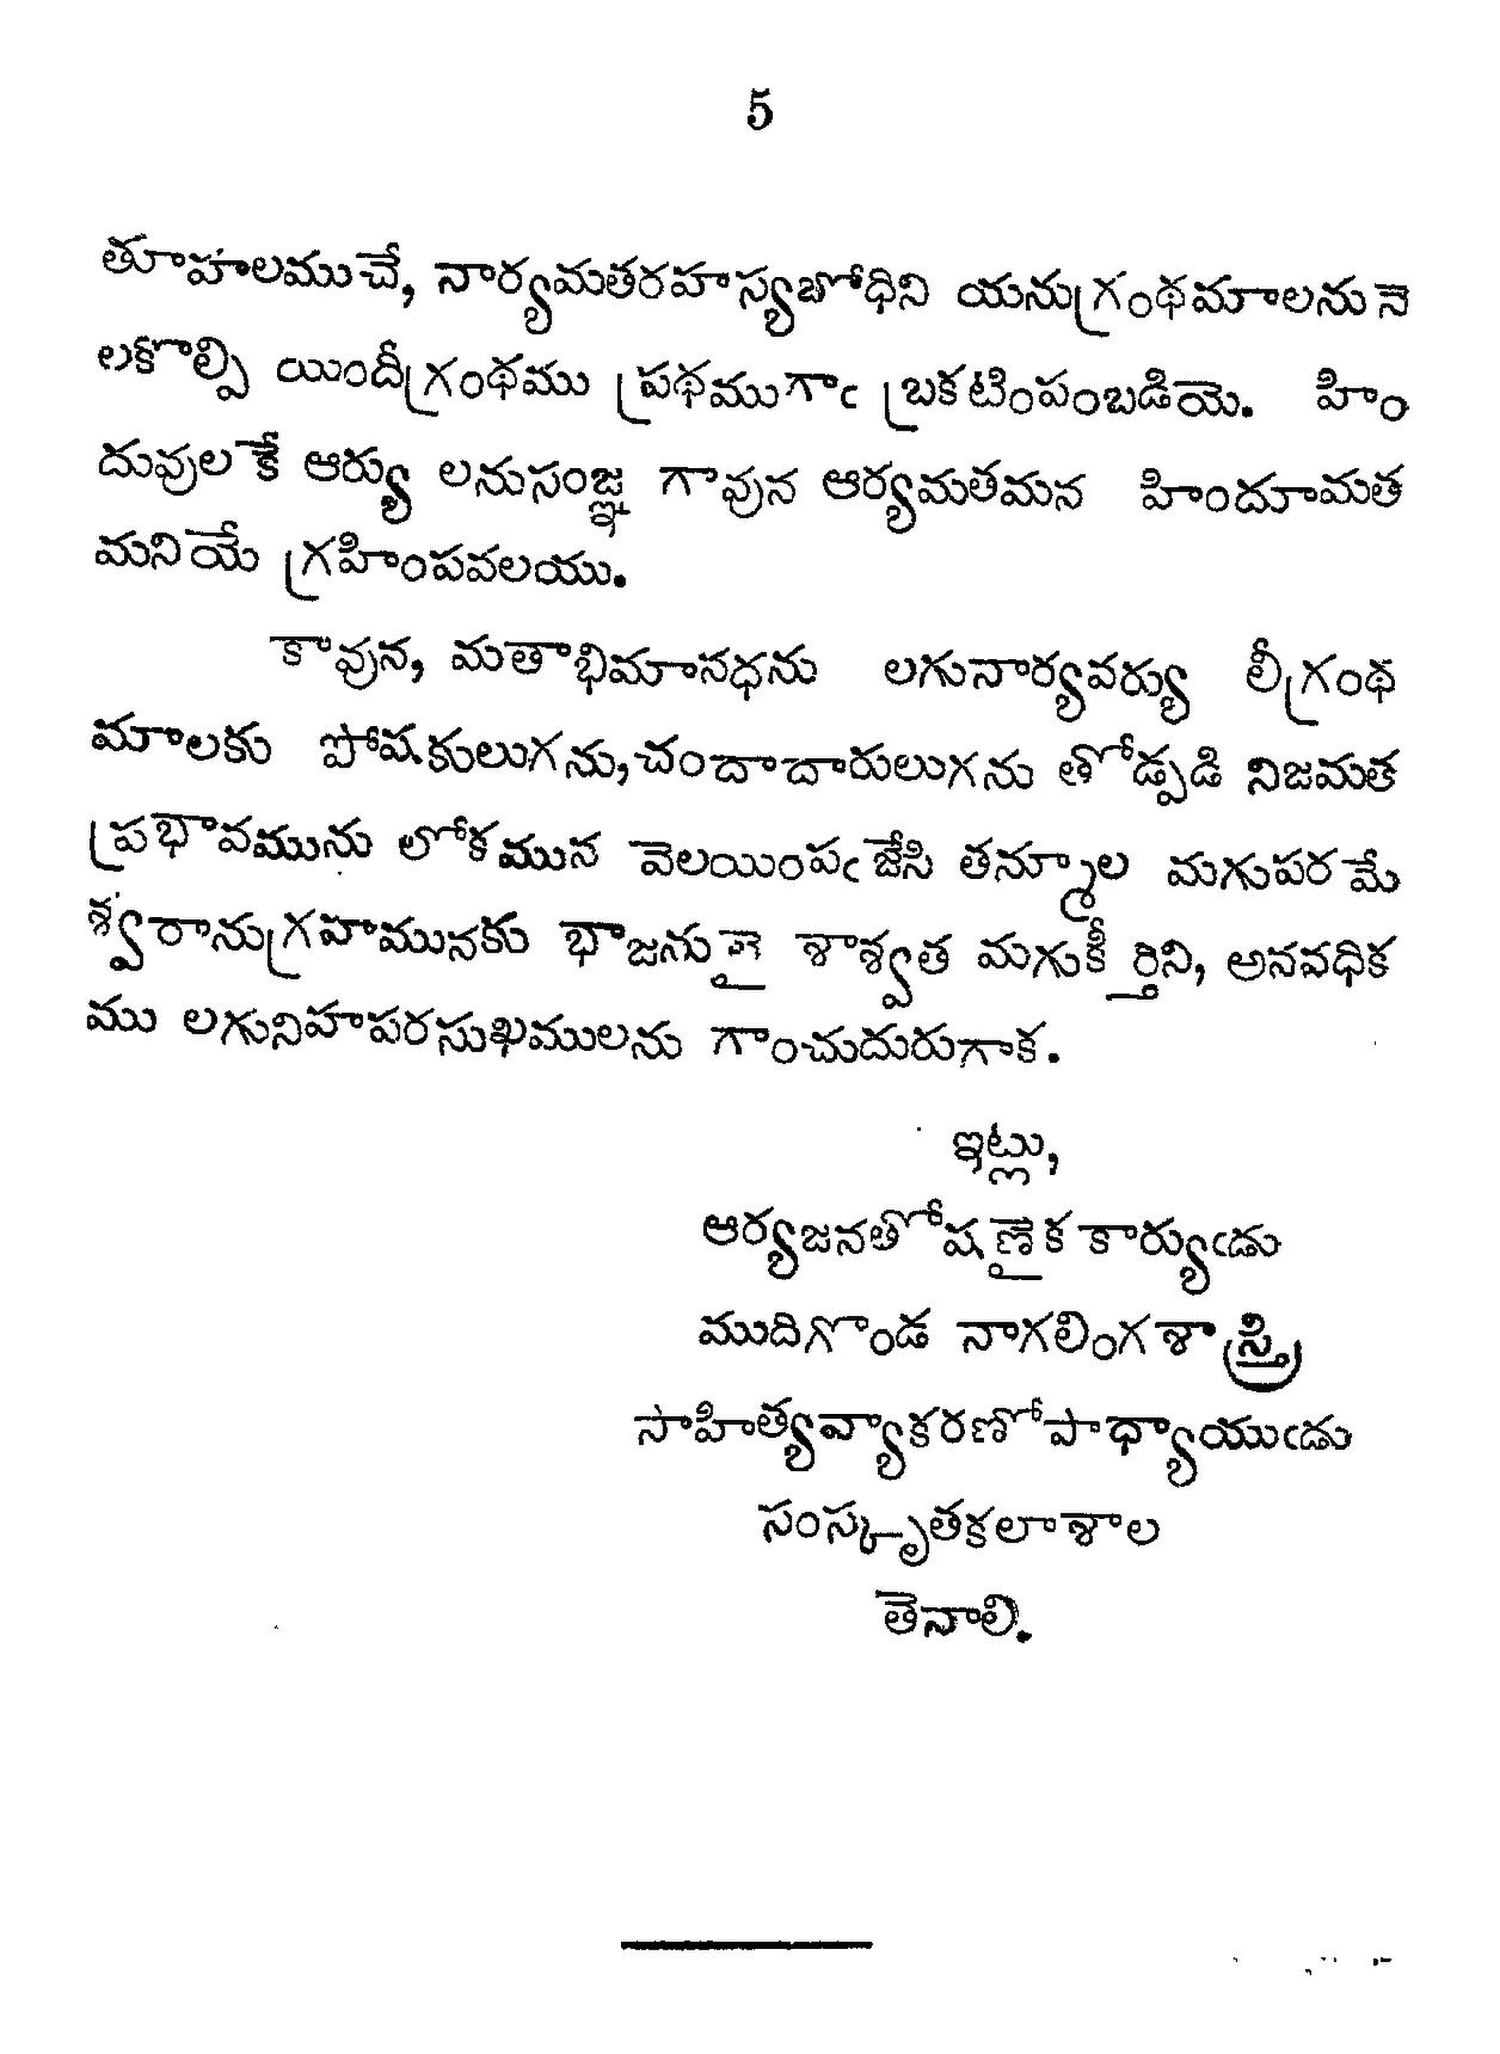తూహలముచే, నార్యమతరహస్యబోధిని యనుగ్రంథమాలనునెలకొల్పి యిందీగ్రంథము ప్రథముగాఁ బ్రకటింపబడియె. హిందువులకే ఆర్యు లనుసంజ్ఞ గావున ఆర్యమతమన హిందూమతమనియే గ్రహింపవలయు.

కావున, మతాభిమానధను లగునార్యవర్యు లీగ్రంథమాలకు పోషకులుగను, చందాదారులుగను తోడ్పడి నిజమత ప్రభావమును లోకమున వెలయింపఁజేసి తన్మూల మగుపరమేశ్వరానుగ్రహమునకు భాజనులై శాశ్వత మగుకీర్తిని, అనవధికము లగునిహపరసుఖములను గాంచుదురుగాక.